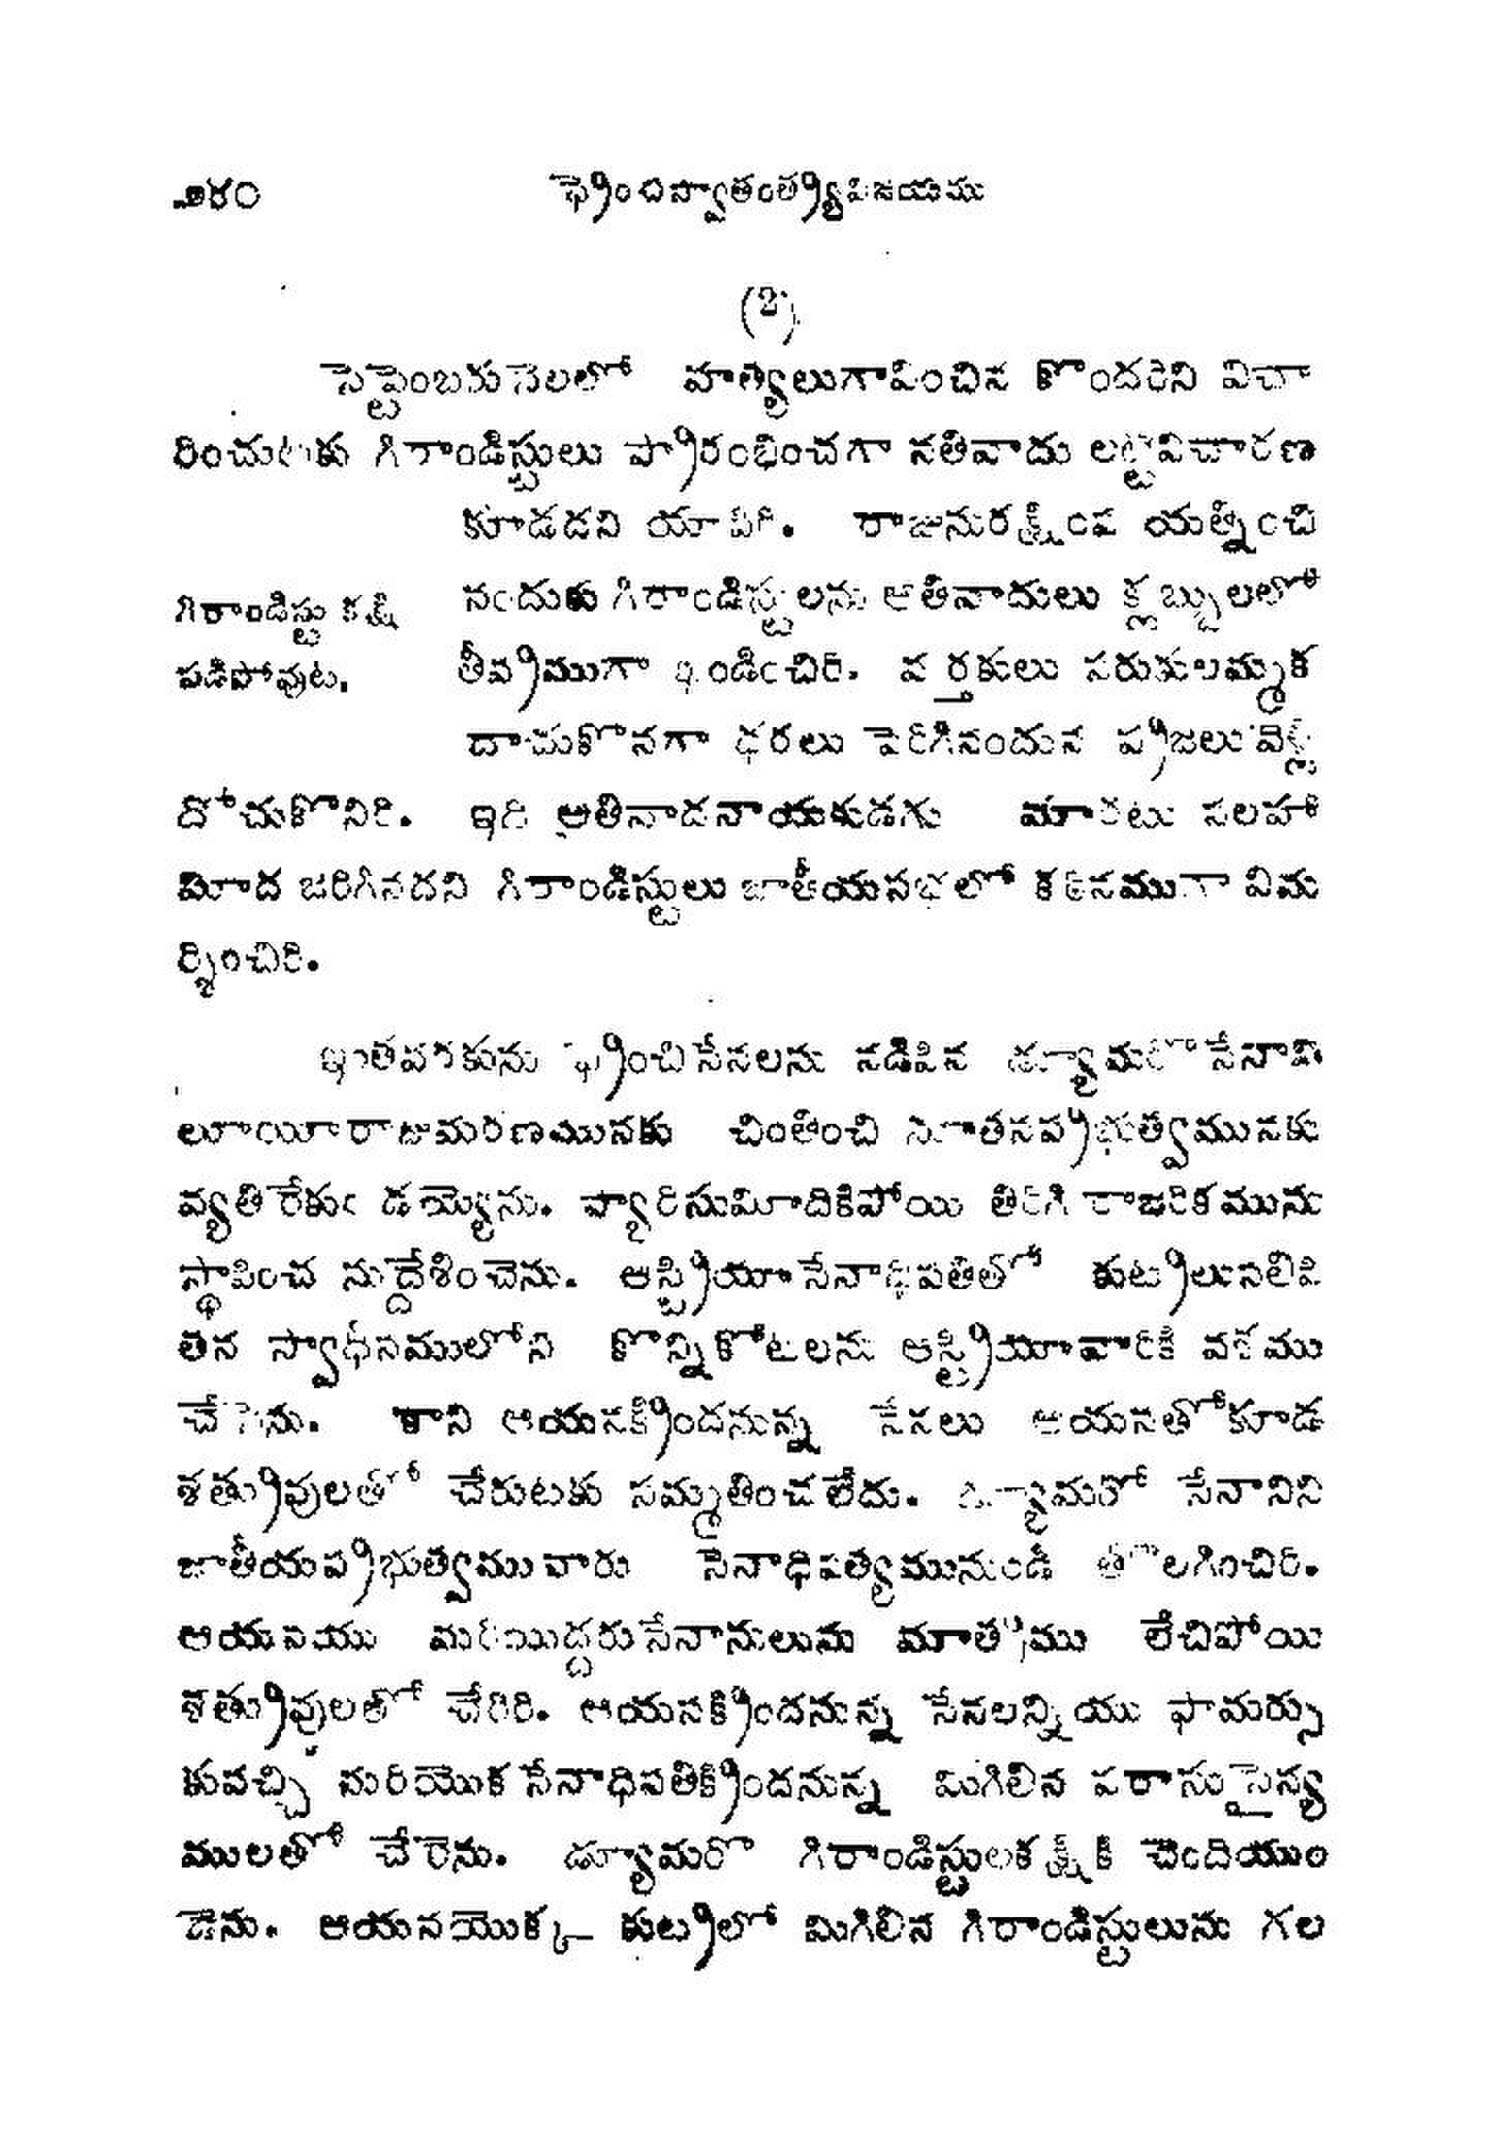240

గిరాండిస్టు కక్షి 
పడిపోవుట
సెప్టెంబరు నెలలో హత్యలుగావించిన కొందరిని విచా
రించుటకు గిరాండిస్టులు ప్రారంభించగా సతివాదుల విచారణ
కూడదని యాపిరి. రాజుసు రక్షింప యత్నించి నందుకు
గిరాండిస్టులను ఆతీనాదులు క్లబ్బులలోతీవ్రముగా ఖండించిరి. 
వర్తకులు సరుకులమ్మక దాచుకొనగా ధరలు పెరిగినందున 
ప్రజలు వెళ్లి దోచుకొనిరి. ఇది అతివాద నాయకుడగు మారటు 
సలహామీద జరిగినదని గిరాండిస్టులు జాతీయసభలో కఠినముగా 
విమర్శించిరి.

ఇంతవరకును మంఫ్రెంచి సేనలను నడిపిన డ్యూమరో సేనాని
లూయరాజుమరణమునకు చింతించి నూతన ప్రభుత్వమునకు 
వ్యతిరేకుఁ డయ్యెను. ప్యారిసు మీదికి పోయి తిరిగి రాజరికమును
స్థాపించ నుద్దేశించెను. ఆస్ట్రియా సేనా పతితో కుట్రలు సలిపి.
తన స్వాధీనములోని కొన్ని కోటలను ఆస్ట్రియా వారికి వశము
చేసెను. కాని ఆయన క్రిందనున్న నేతలు ఆయనతోకూడ
శత్రువులతో చేరుటకు సమ్మతించలేదు. డ్యూమరో సేనానిని
జూతీయ ప్రభుత్వము వారు సేనాధిపత్యమునుండి తొలగించిరి.
ఆయనయు మరి యిద్దరు సేనానులును మాత్రము లేచిపోయి
శత్రువులతో చేగిరి. ఆయస క్రిందనున్న 'సేనలన్నియు ఫామర్సు
కువచ్చి మురియొక సేనాధిపతి కిందనున్న మిగిలిన పరాసు సైన్య
ములతో చేరెను. డ్యూమరొ గిరాండిస్టుల కక్షీకి చెందియుం
డెను. ఆయన యొక్క కుట్రలో మిగిలిన గిరాండిస్టులును గల